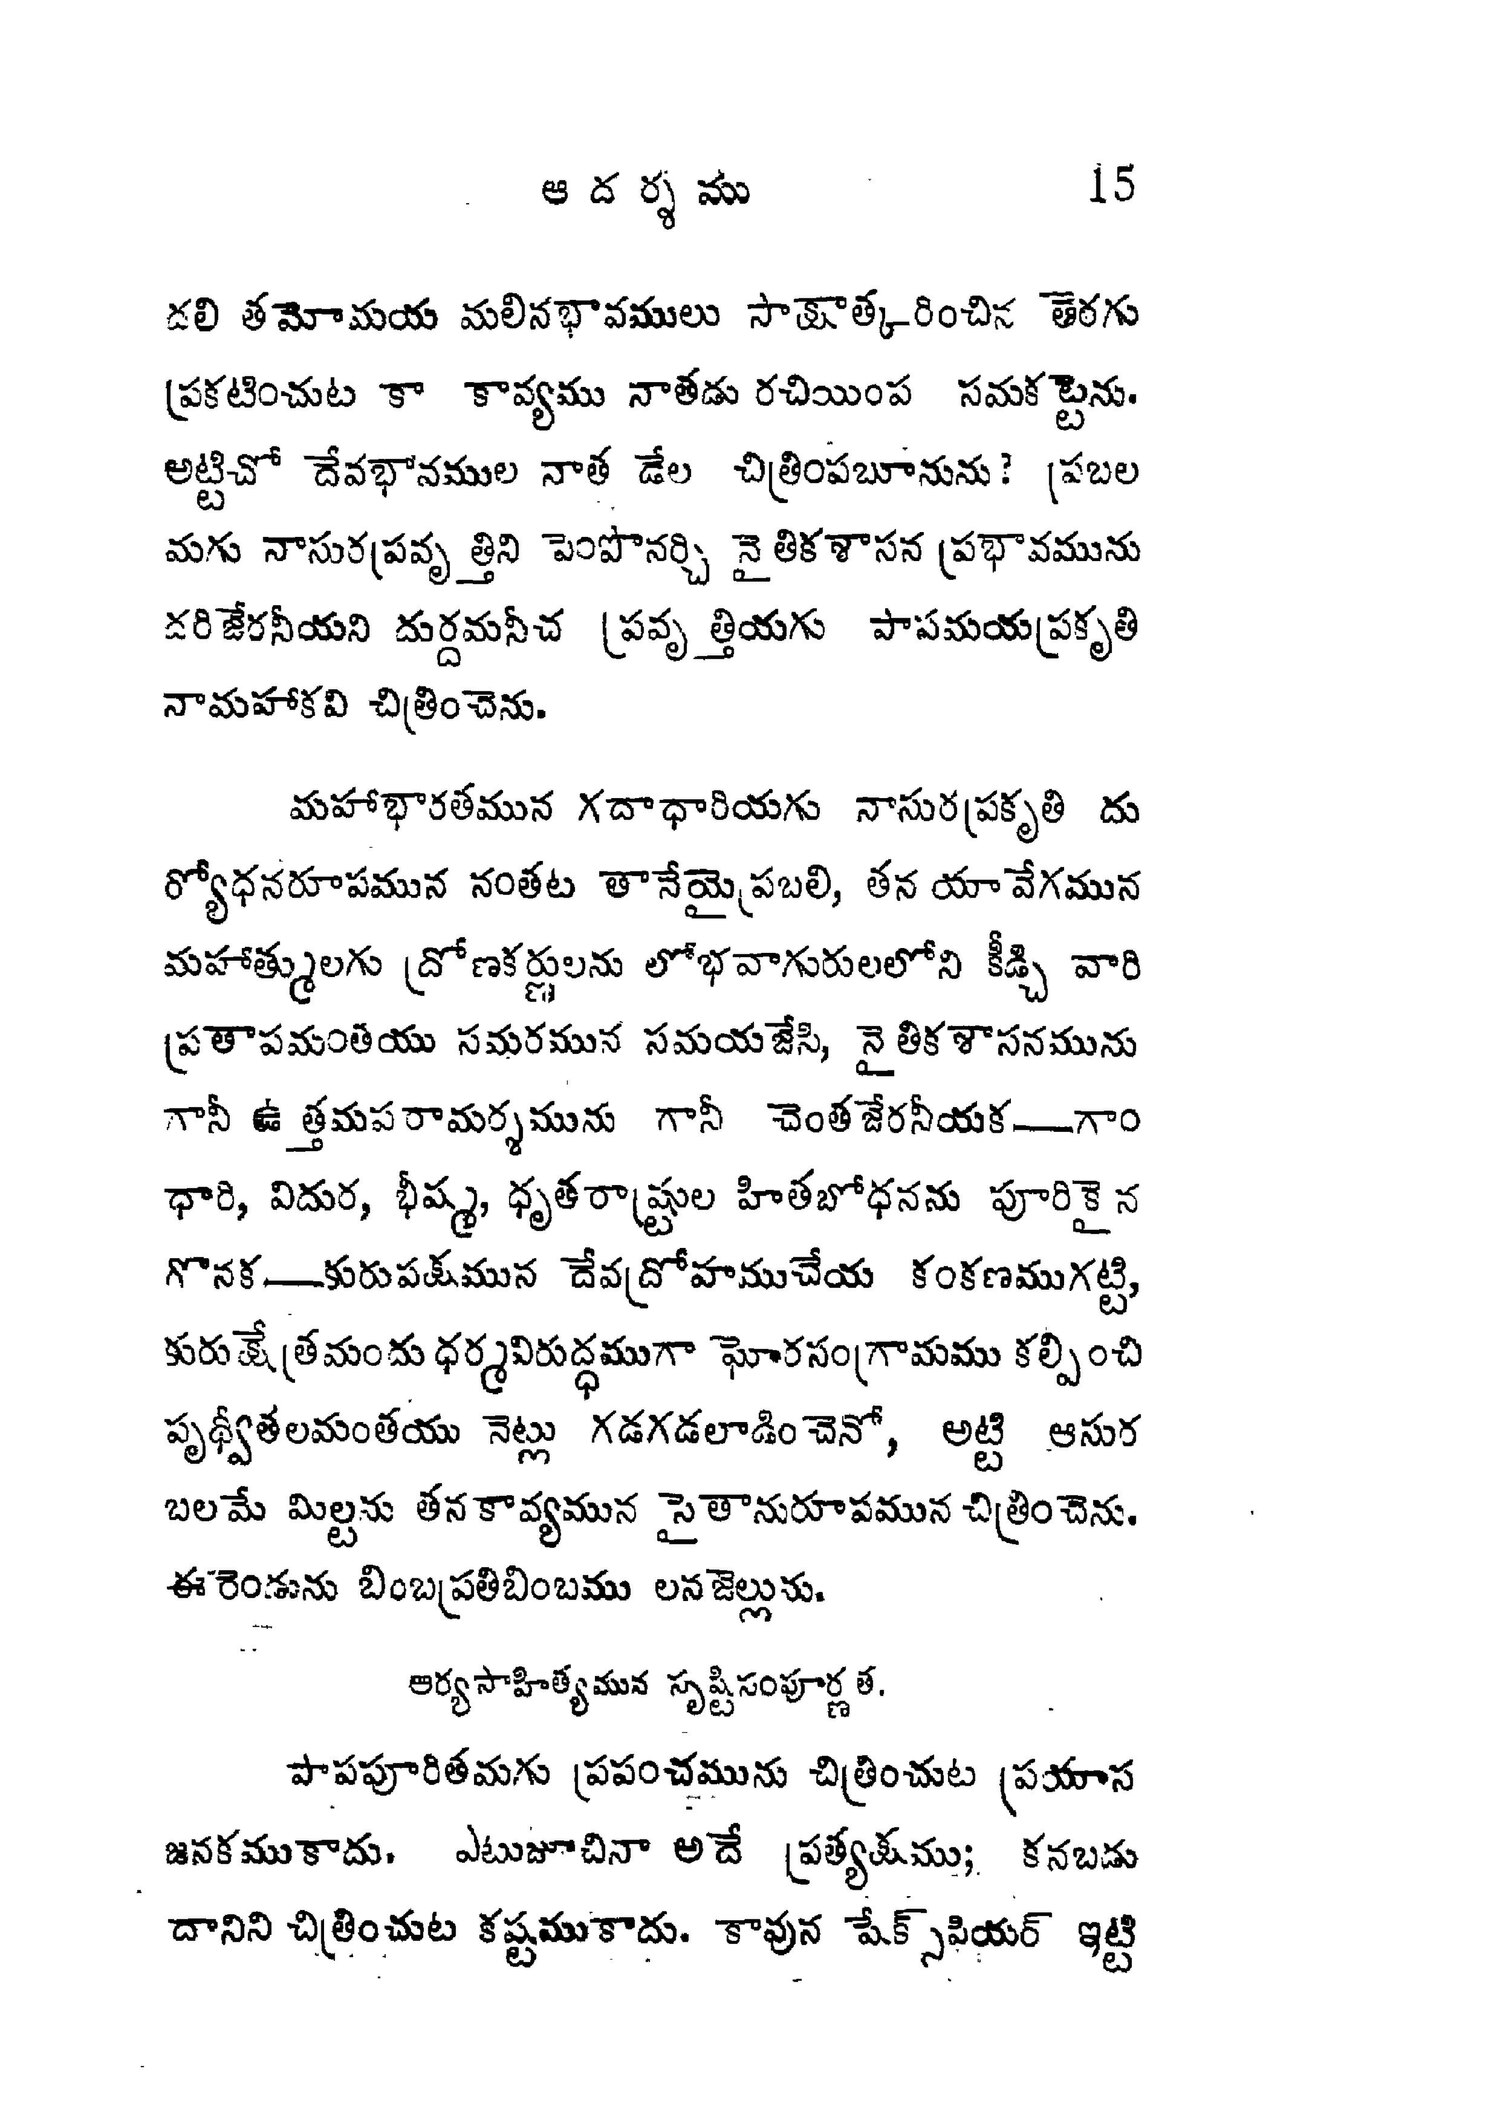దలి తమోమయ మలినభావములు సాక్షాత్కరించిన తెరగు ప్రకటించుట కా కావ్యము నాతడు రచియింప సమకట్టెను. అట్టిచో దేవభావముల నాత డేల చిత్రింపబూనును? ప్రబలమగు నాసురప్రవృత్తిని పెంపొనర్చి నైతికశాసన ప్రభావమును దరిజేరనీయని దుర్దమనీచ ప్రవృత్తియగు పాపమయప్రకృతి నామహాకవి చిత్రించెను.

మహాభారతమున గదాధారియగు నాసురప్రకృతి దుర్యోధనరూపమున నంతట తానేయైప్రబలి, తన యా వేగమున మహాత్ములగు ద్రోణకర్ణులను లోభవాగురులలోని కీడ్చి వారి ప్రతాపమంతయు సమరమున సమయజేసి, నైతికశాసనమును గానీ ఉత్తమపరామర్శమును గాని చెంతజేరనీయక - గాంధారి, విదుర, భీష్మ, ధృతరాష్ట్రుల హితబోధనను పూరికైన గొనక - కురుపక్షమున దేవద్రోహముచేయ కంకణముగట్టి, కురుక్షేత్రమందు ధర్మవిరుద్ధముగా ఘోరసంగ్రామము కల్పించి పృథ్వీతలమంతయు నెట్లు గడగడలాడించెనో, అట్టి ఆసుర బలమే మిల్టను తనకావ్యమున సైతానురూపమున చిత్రించెను. ఈరెండును బింబప్రతిబింబము లనజెల్లును.

పాపపూరితమగు ప్రపంచమును చిత్రించుట ప్రయాస జనకముకాదు. ఎటుజూచినా అదే ప్రత్యక్షము; కనబడు దానిని చిత్రించుట కష్టముకాదు. కావున షేక్స్‌పియర్ ఇట్టి